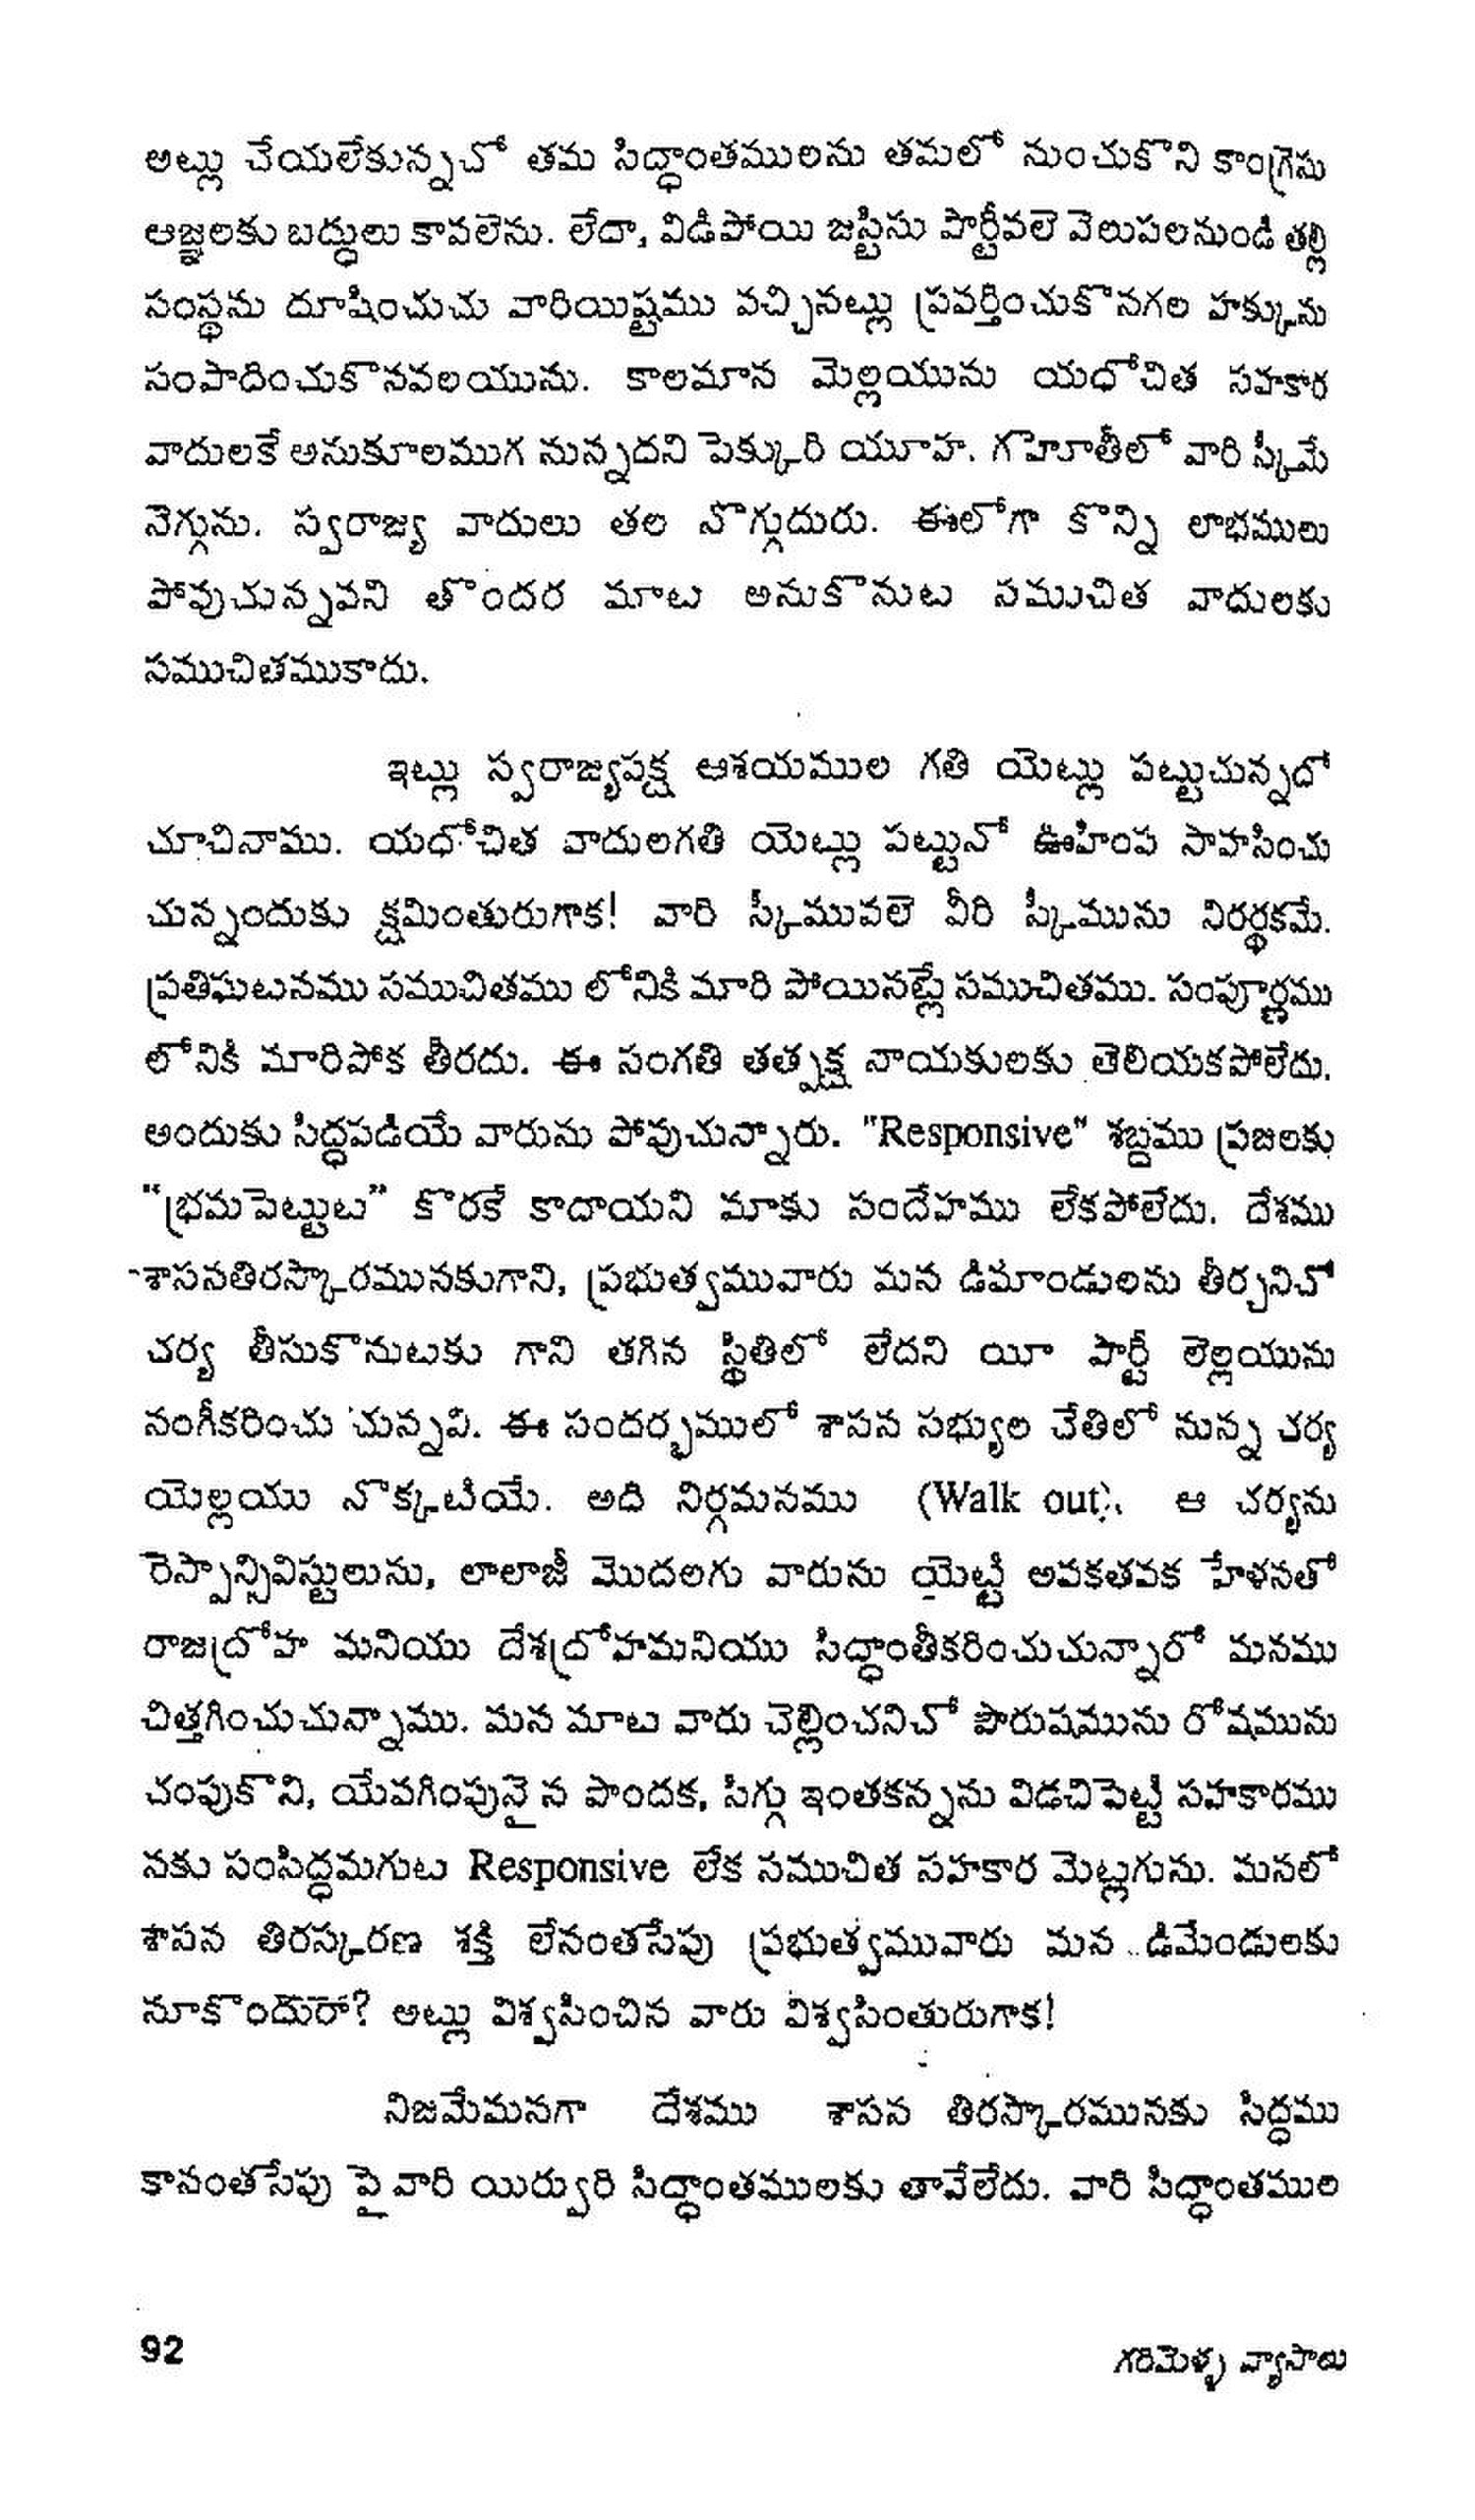అట్లు చేయలేకున్నచో తమ సిద్ధాంతములను తమలో నుంచుకొని కాంగ్రెసు ఆజ్ఞలకు బద్ధులు కావలెను. లేదా, విడిపోయి జస్టిసు పార్టీవలె వెలుపలనుండి తల్లి సంస్థను దూషించుచు వారియిష్టము వచ్చినట్లు ప్రవర్తించుకొనగల హక్కును సంపాదించుకొనవలయును. కాలమాన మెల్లయును యధోచిత సహకారవాదులకే అనుకూలముగ నున్నదని పెక్కురి యూహ. గహోతీలో వారిస్కీమే నెగ్గును. స్వరాజ్య వాదులు తల నొగ్గుదురు. ఈలోగా కొన్ని లాభములు పోవుచున్నవని తొందర మాట అనుకొనుట సముచిత వాదులకు సముచితముకాదు.

ఇట్లు స్వరాజ్యపక్ష ఆశయముల గతి యెట్లు పట్టుచున్నదో చూచినాము. యధోచిత వాదులగతి యెట్లు పట్టునో ఊహింప సాహసించుచున్నందుకు క్షమింతురుగాక! వారి స్కీమువలె వీరి స్కీమును నిరర్థకమే. ప్రతిఘటనము సముచితము లోనికి మారి పోయినట్లే సముచితము. సంపూర్ణములోనికి మారిపోక తీరదు. ఈ సంగతి తత్పక్ష నాయకులకు తెలియకపోలేదు. అందుకు సిద్ధపడియే వారును పోవుచున్నారు. "Responsive" శబ్దము ప్రజలకు "భ్రమపెట్టుట" కొరకే కాదాయని మాకు సందేహము లేకపోలేదు. దేశము శాసనతిరస్కారమునకుగాని, ప్రభుత్వమువారు మన డిమాండులను తీర్చనిచో చర్య తీసుకొనుటకు గాని తగిన స్థితిలో లేదని ఈ పార్టీ లెల్లయును నంగీకరించు చున్నవి. ఈ సందర్భములో శాసన సభ్యుల చేతిలో నున్న చర్య యెల్లయు నొక్కటియే. అది నిర్గమనము (Walk out) ఆ చర్యను రెస్పాన్సివిస్టులును, లాలాజీ మొదలగు వారును యెట్టి అవతవక హేళణతో రాజద్రోహ మనియు దేశద్రోహమనియు సిద్ధాంతీకరించుచున్నారో మనము చిత్తగించుచున్నాము. మన మాట వారు చెల్లించనిచో పౌరుషమును రోషమును చంపుకొని, యేవగింపునైన పొందక, సిగ్గు ఇంతకన్నను విడచిపెట్టి సహకారమునకు సంసిద్ధమగుట Responsive లేక సముచిత సహకార మెట్లగును. మనలో శాసన తిరస్కరణ శక్తి లేనంతసేపు ప్రభుత్వమువారు మన డిమేండులకు నూకొందురా? అట్లు విశ్వసించిన వారు విశ్వసింతురుగాక!

నిజమేమనగా దేశము శాసన తిరస్కారమునకు సిధ్దము కానంతసేపు పై వారి యిర్వురి సిద్ధాంతములకు తావేలేదు. వారి సిద్ధాంతముల